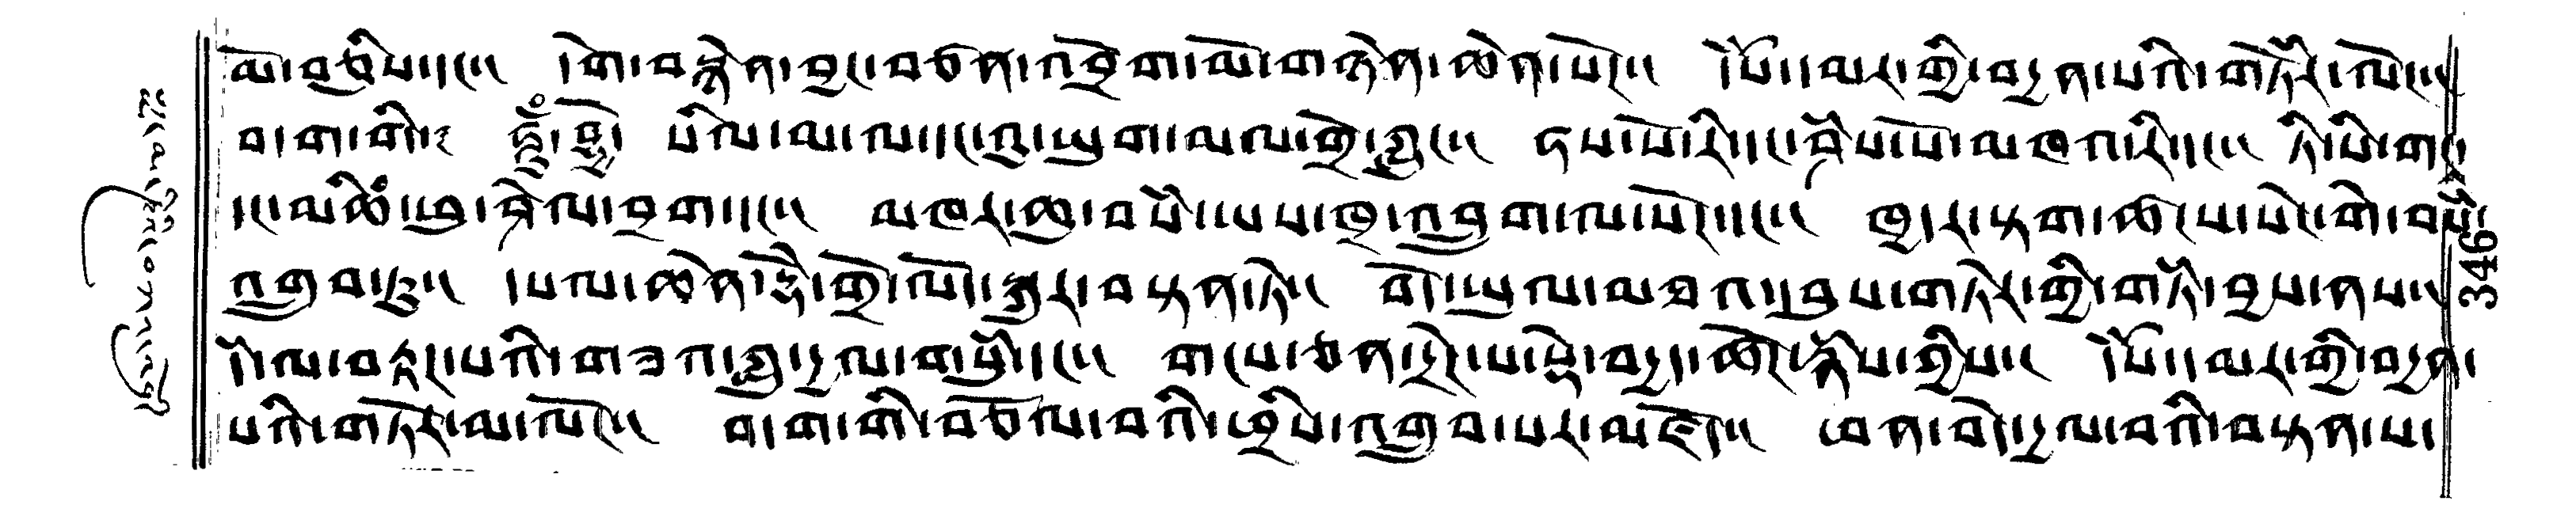མོ་བཅུ་གཉིས་དང་། །དགེ་བསྙེན་བྱང་བཙན་འབྲོག་མོ་གཉེན་ཆེན་སོགས། །དམ་རྫས་དམར་གྱི་བརྒྱན་པའི་གཏོར་མ་ལོངས། །
བདག་གི༴ ཧཱུྃ་བྷྱོ། སིལ་མ་ལ་དང་འུ་ཡུག་མལ་གྲོ་ཀླུང་། །ཧས་པོ་རི་དང་ཤམས་པོ་མཁའ་རི་དང་། ཏི་སེའི་གངས་
དང་མཆིམས་ཕུ་ཤེལ་བྲག་དང་། །མཁར་ཆུ་བསམ་ཡས་ཁྲ་འབྲུག་ལ་སོགས་དང་། །ཁྱད་པར་སྟག་ཚངས་སེང་གེ་བསམ་
འགྲུབ་ཏུ། །དཔལ་ཆེན་རྡོ་རྗེ་གྲོ་ལོད་སྐུར་བསྟན་ཏེ། །བོད་ཡུལ་མཐའ་དབུས་གཏེར་གྱི་གཏམས་བྱས་ནས། །
དམ་ལ་བཏགས་པའི་གཟའ་ཀླུ་རྒྱལ་གསུམ་དང་། །གངས་ཅན་དྲེགས་པ་སྡེ་བརྒྱད་ཚོགས་རྣམས་ཀྱིས། །དམ་རྫས་དམར་གྱི་བརྒྱན་
པའི་གཏོར་མ་ལོང་། །བདག་གི་བཅོལ་བའི་ཕྲིན་ལས་འགྲུབ་པར་མཛོད། །ཕན་བདེ་རྒྱལ་བའི་བསྟན་པ་